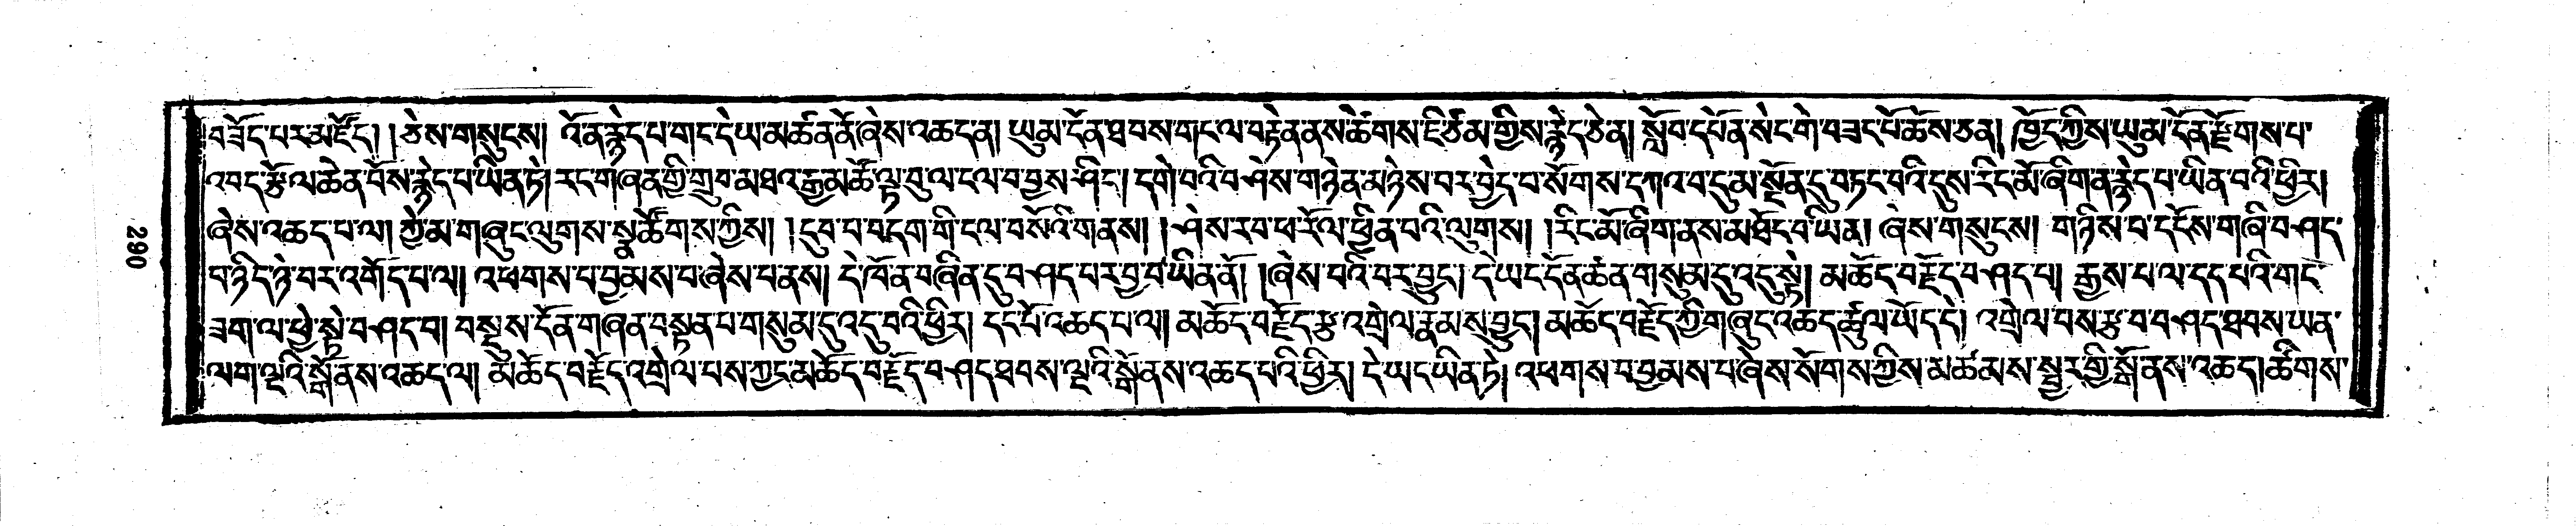བཟོད་པར་མཛོད། །ཅེས་གསུངས། འོ་ན་རྙེད་པ་གང་དེ་ཡ་མཚན་ནོ་ཞེས་འཆད་ན། ཡུམ་དོན་ཐབས་གང་ལ་བརྟེན་ནས་ཚོགས་ཇི་ཙམ་གྱིས་རྙེད་ཅེ་ན། སློབ་དཔོན་སེང་གེ་བཟང་པོ་ཆོས་ཅན། ཁྱོད་ཀྱིས་ཡུམ་དོན་རྫོགས་པ་
འབད་རྩོལ་ཆེན་པོས་རྙེད་པ་ཡིན་ཏེ། རང་གཞན་གྱི་གྲུབ་མཐའ་རྒྱ་མཚོ་ལྟ་བུ་ལ་ངལ་བ་བྱས་ཤིང་། དགེ་བའི་བཤེས་གཉེན་མཉེས་པར་བྱེད་པ་སོགས་དཀའ་བ་དུ་མ་སྔོན་དུ་བཏང་བའི་དུས་རིང་མོ་ཞིག་ན་རྙེད་པ་ཡིན་པའི་ཕྱིར།
ཞེས་འཆད་པ་ལ། ཀྱེ་མ་གཞུང་ལུགས་སྣ་ཚོགས་ཀྱིས། །དུབ་པ་བདག་གི་ངལ་བསོའི་གནས། །ཤེས་རབ་ཕ་རོལ་ཕྱིན་པའི་ལུགས། །རིང་མོ་ཞི་གནས་མཐོང་བ་ཡིན། ཞེས་གསུངས། གཉིས་པ་དངོས་གཞི་བཤད་
པ་ཉིད་ཉེ་བར་འགོད་པ་ལ། འཕགས་པ་བྱམས་པ་ཞེས་པ་ནས། དེ་ཁོ་ན་བཞིན་དུ་བཤད་པར་བྱ་བ་ཡིན་ནོ། །ཞེས་པའི་བར་བྱུང་། དེ་ཡང་དོན་ཚན་གསུམ་དུ་འདུ་སྟེ། མཆོད་བརྗོད་བཤད་པ། རྒྱས་པ་ལ་དད་པའི་གང་
ཟག་ལ་ཕྱེ་སྟེ་བཤད་པ། བསྡུས་དོན་གཞན་བསྟན་པ་གསུམ་དུ་འདུ་བའི་ཕྱིར། དང་པོ་འཆད་པ་ལ། མཆོད་བརྗོད་རྩ་འགྲེལ་རྣམས་བྱུང་། མཆོད་བརྗོད་ཀྱི་གཞུང་འཆད་ཚུལ་ཡོད་དེ། འགྲེལ་པས་རྩ་བ་བཤད་ཐབས་ཡན་
ལག་ལྔའི་སྒོ་ནས་འཆད་ལ། མཆོད་བརྗོད་འགྲེལ་པས་ཀྱང་མཆོད་བརྗོད་བཤད་ཐབས་ལྔའི་སྒོ་ནས་འཆད་པའི་ཕྱིར། དེ་ཡང་ཡིན་ཏེ། འཕགས་པ་བྱམས་པ་ཞེས་སོགས་ཀྱིས་མཚམས་སྦྱོར་གྱི་སྒོ་ནས་འཆད། ཚིགས་